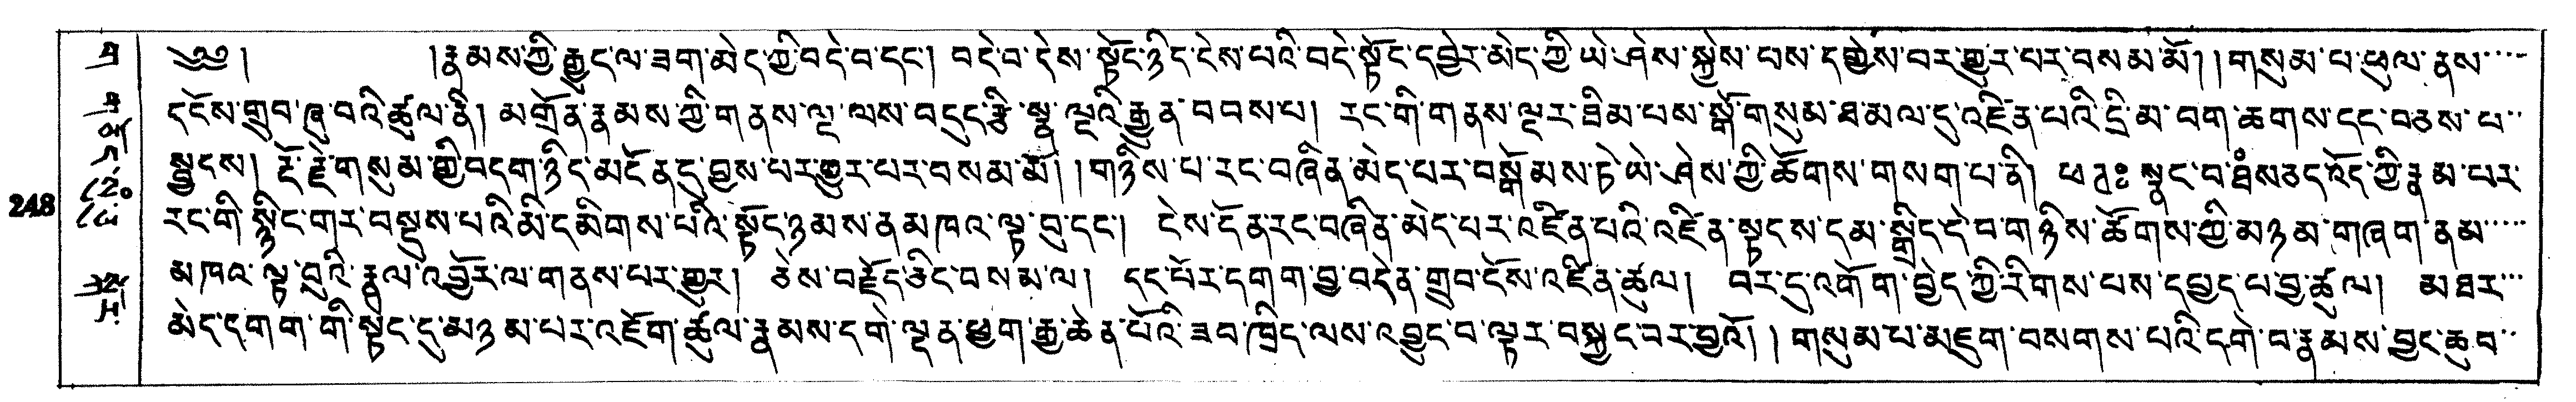༄༅། །རྣམས་ཀྱི་རྒྱུད་ལ་ཟག་མེད་ཀྱི་བདེ་བ་དང་། བདེ་བ་དེས་སྟོང་ཉིད་ངེས་པའི་བདེ་སྟོང་དབྱེར་མེད་ཀྱི་ཡེ་ཤེས་སྐྱེས་པས་དགྱེས་བར་གྱུར་པར་བསམ་མོ། །གསུམ་པ་ཕུལ་ནས་
དངོས་གྲུབ་ཞུ་བའི་ཚུལ་ནི། མགྲོན་རྣམས་ཀྱི་གནས་ལྔ་ལས་བདུད་རྩི་སྣ་ལྔའི་རྒྱུན་བབས་པ། རང་གི་གནས་ལྔར་ཐིམ་པས་སྒོ་གསུམ་ཐ་མལ་དུ་འཛིན་པའི་དྲི་མ་བག་ཆགས་དང་བཅས་པ་
སྦྱངས། རྡོ་རྗེ་གསུམ་གྱི་བདག་ཉིད་མངོན་དུ་བྱས་པར་གྱུར་པར་བསམ་མོ། །གཉིས་པ་རང་བཞིན་མེད་པར་བསྒོམས་ཏེ་ཡེ་ཤེས་ཀྱི་ཚོགས་གསག་པ་ནི། ཕཊཿ སྣང་བ་ཐམས་ཅད་འོད་ཀྱི་རྣམ་པར་
རང་གི་སྙིང་གར་བསྡུས་པའི་མི་དམིགས་པའི་སྟོང་ཉམས་ནམ་མཁའ་ལྟ་བུ་དང་། ངེས་དོན་རང་བཞིན་མེད་པར་འཛིན་པའི་འཛིན་སྟངས་དམ་སྒྲིད་དེ་བ་གཉིས་ཚོགས་ཀྱི་མཉམ་གཞག་ནམ་
མཁའ་ལྟ་བུའི་རྣལ་འབྱོར་ལ་གནས་པར་གྱུར། ཅེས་བརྗོད་ཅིང་བསམ་ལ། དང་པོར་དགག་བྱ་བདེན་གྲུབ་ངོས་འཛིན་ཚུལ། བར་དུ་འགོག་བྱེད་ཀྱི་རིགས་པས་དཔྱད་པ་བྱ་ཚུལ། མཐར་
མེད་དགག་གི་སྟེང་དུ་མཉམ་པར་འཇོག་ཚུལ་རྣམས་དགེ་ལྡན་ཕྱག་རྒྱ་ཆེན་པོའི་ཟབ་ཁྲིད་ལས་འབྱུང་བ་ལྟར་བསྐྱང་བར་བྱའོ། །གསུམ་པ་མཇུག་བསགས་པའི་དགེ་བ་རྣམས་བྱང་ཆུབ་